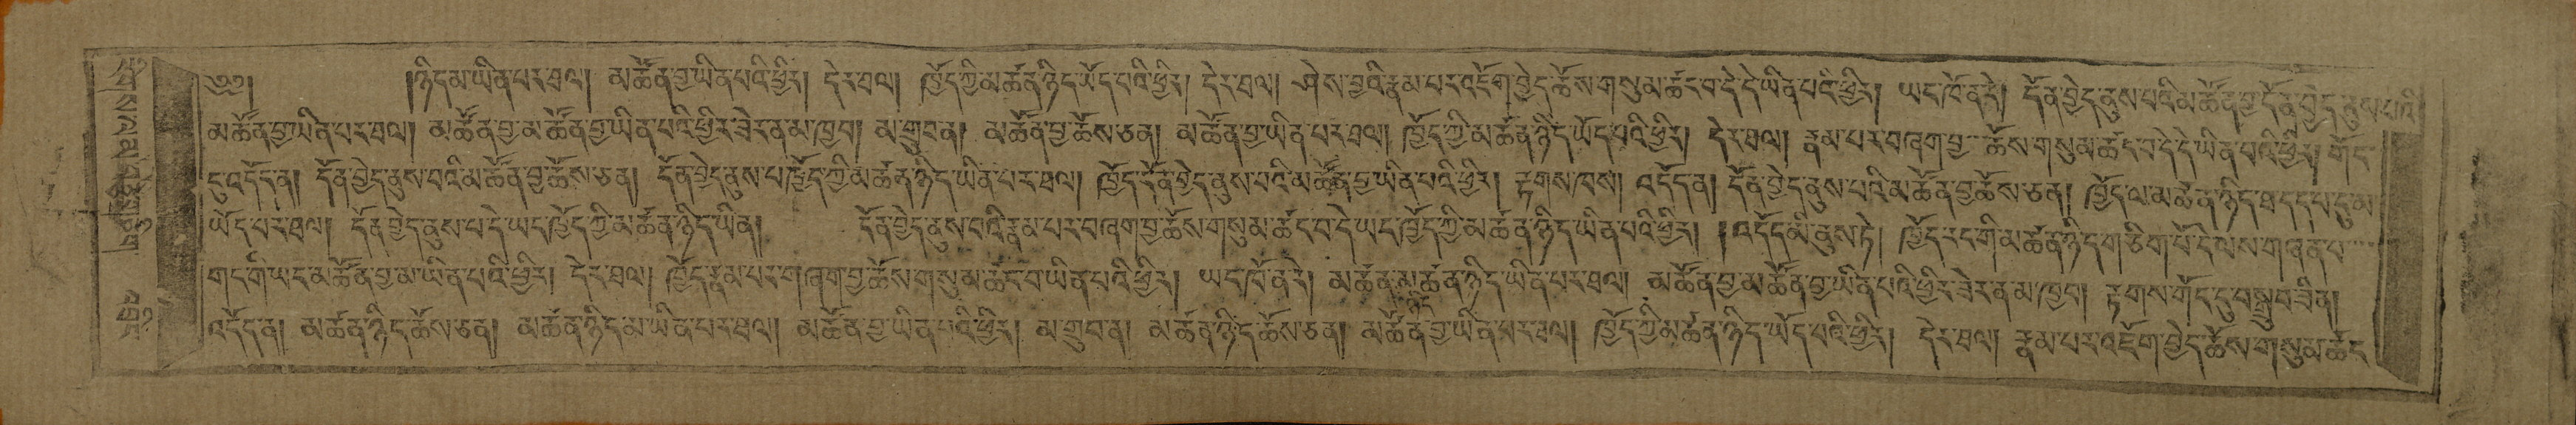༄༅། །ཉིད་མ་ཡིན་པར་ཐལ། མཚོན་བྱ་ཡིན་པའི་ཕྱིར། དེར་ཐལ། ཁྱོད་ཀྱི་མཚན་ཉིད་ཡོད་པའི་ཕྱིར། དེར་ཐལ། ཤེས་བྱའི་རྣམ་པར་འཇོག་བྱེད་ཆོས་གསུམ་ཚང་བ་དེ་དེ་ཡིན་པའི་ཕྱིར། ཡང་ཁོ་ན་རེ། དོན་བྱེད་ནུས་པའི་མཚོན་བྱ་དོན་བྱེད་ནུས་པའི་
མཚོན་བྱ་ཡིན་པར་ཐལ། མཚོན་བྱ་མཚོན་བྱ་ཡིན་པའི་ཕྱིར་ཟེར་ན་མ་ཁྱབ། མ་གྲུབ་ན། མཚོན་བྱ་ཆོས་ཅན། མཚོན་བྱ་ཡིན་པར་ཐལ། ཁྱོད་ཀྱི་མཚན་ཉིད་ཡོད་པའི་ཕྱིར། དེར་ཐལ། རྣམ་པར་བཞག་བྱ་ཆོས་གསུམ་ཚང་བ་དེ་དེ་ཡིན་པའི་ཕྱིར། གོང་
དུ་འདོད་ན། དོན་བྱེད་ནུས་པའི་མཚོན་བྱ་ཆོས་ཅན། དོན་བྱེད་ནུས་པ་ཁྱོད་ཀྱི་མཚན་ཉིད་ཡིན་པར་ཐལ། ཁྱོད་དོན་བྱེད་ནུས་པའི་མཚོན་བྱ་ཡིན་པའི་ཕྱིར། རྟགས་ཁས། འདོད་ན། དོན་བྱེད་ནུས་པའི་མཚོན་བྱ་ཆོས་ཅན། ཁྱོད་ལ་མཚན་ཉིད་ཐ་དད་པ་དུ་མ་
ཡོད་པར་ཐལ། དོན་བྱེད་ནུས་པ་དེ་ཡང་ཁྱོད་ཀྱི་མཚན་ཉིད་ཡིན། དོན་བྱེད་ནུས་པའི་རྣམ་པར་བཞག་བྱ་ཆོས་གསུམ་ཚང་བ་དེ་ཡང་ཁྱོད་ཀྱི་མཚན་ཉིད་ཡིན་པའི་ཕྱིར། །འདོད་མི་ནུས་ཏེ། ཁྱོད་རང་གི་མཚན་ཉིད་གཅིག་པོ་དེ་ལས་གཞན་པ་
གང་གི་ཡང་མཚོན་བྱ་མ་ཡིན་པའི་ཕྱིར། དེར་ཐལ། ཁྱོད་རྣམ་པར་གཞག་བྱ་ཆོས་གསུམ་ཚང་བ་ཡིན་པའི་ཕྱིར། ཡང་ཁོ་ན་རེ། མཚན་ཉིད་མཚན་ཉིད་ཡིན་པར་ཐལ། མཚོན་བྱ་མཚོན་བྱ་ཡིན་པའི་ཕྱིར་ཟེར་ན་མ་ཁྱབ། རྟགས་གོང་དུ་བསྒྲུབ་ཟིན།
འདོད་ན། མཚན་ཉིད་ཆོས་ཅན། མཚན་ཉིད་མ་ཡིན་པར་ཐལ། མཚོན་བྱ་ཡིན་པའི་ཕྱིར། མ་གྲུབ་ན། མཚན་ཉིད་ཆོས་ཅན། མཚོན་བྱ་ཡིན་པར་ཐལ། ཁྱོད་ཀྱི་མཚན་ཉིད་ཡོད་པའི་ཕྱིར། དེར་ཐལ། རྣམ་པར་འཇོག་བྱེད་ཆོས་གསུམ་ཚང་